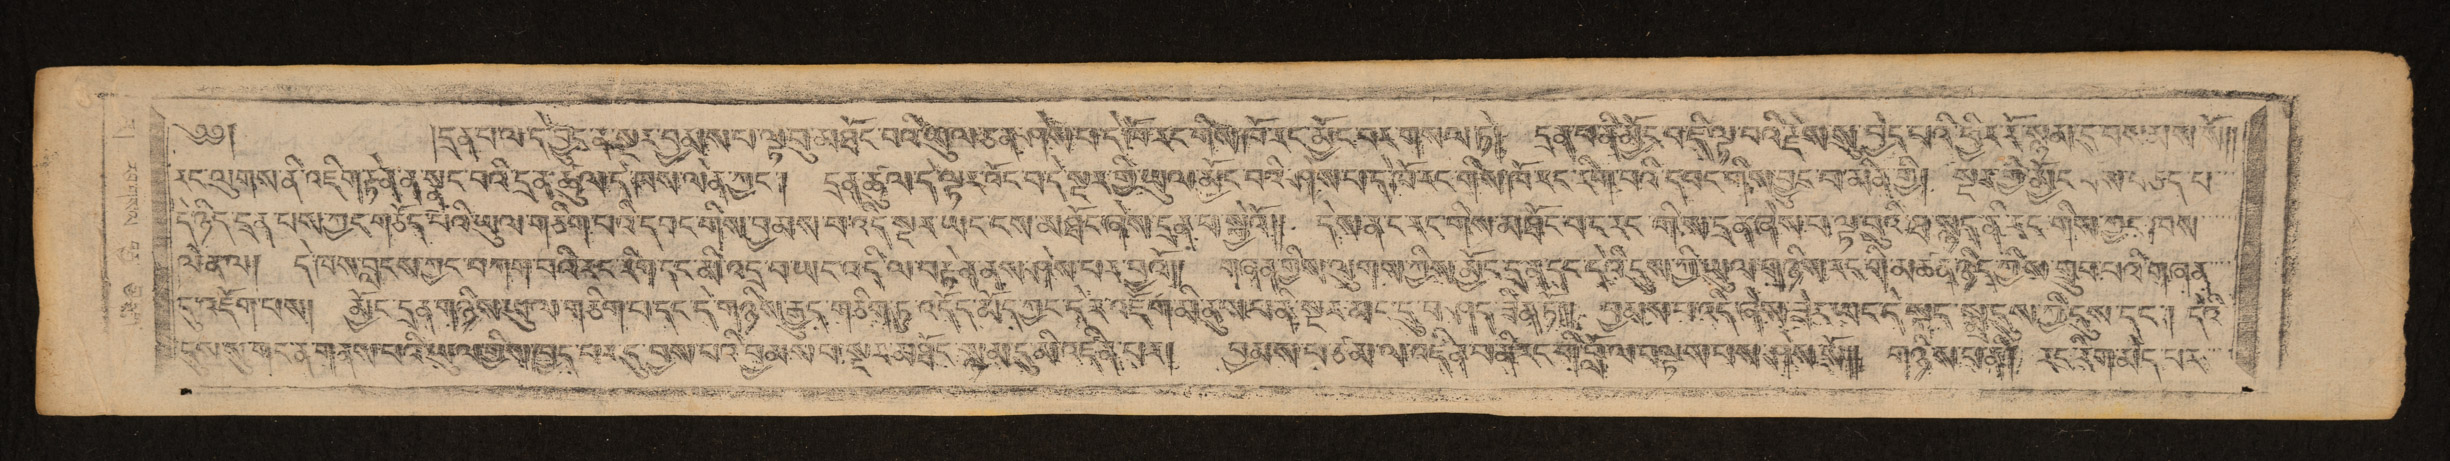༄༅། །དྲན་པ་ལ་དེ་བྱུང་ན་སྔར་བྱམས་པ་ལྟ་བུ་མཐོང་བའི་ཡུལ་ཅན་ཤེས་པ་དེ་ཁོ་རང་གིས་ཁོ་རང་མྱོང་བར་གསལ་ཏེ། དྲན་པ་ནི་མྱོང་བ་ཇི་ལྟ་བའི་རྗེས་སུ་བྱེད་པའི་ཕྱིར་རོ་སྙམ་དུ་བསམས་སོ།།
རང་ལུགས་ནི་འཇིག་རྟེན་ན་སྣང་བའི་དྲན་ཚུལ་དེ་ཁས་ལེན་ཀྱང་། དྲན་ཚུལ་དེ་ལྟར་འོང་བ་དེ་སྔར་གྱི་ཡུལ་མྱོང་བའི་ཤེས་པ་དེ་ཁོ་རང་གིས་ཁོ་རང་རིག་པའི་དབང་གིས་བྱུང་བ་མིན་གྱི། སྔར་གྱི་མྱོང་བས་བཅད་པ་
དེ་ཉིད་དྲན་པས་ཀྱང་གཅོད་པའི་ཡུལ་གཅིག་པའི་དབང་གིས་བྱམས་པ་འདི་སྔར་ཡང་ངས་མཐོང་ཞེས་དྲན་པ་སྐྱེའོ།། དེས་ན་ང་རང་གིས་མཐོང་བ་ང་རང་གིས་དྲན་ཞེས་པ་ལྟ་བུའི་ཐ་སྙད་ནི་རང་གིས་ཀྱང་ཁས་
ལེན་ལ། དེ་ཁས་བླངས་ཀྱང་བཀག་པའི་རང་རིག་དང་མི་འདྲ་བ་ཡང་འདི་ལ་བརྟེན་ནས་ཤེས་པར་བྱའོ།། གཞན་གྱི་ལུགས་ཀྱིས་མྱོང་དྲན་དང་དེའི་དུས་ཀྱི་ཡུལ་གཉིས་རང་གི་མཚན་ཉིད་ཀྱིས་གྲུབ་པའི་གཞན་
དུ་འཇོག་པས། མྱོང་དྲན་གཉིས་ཡུལ་གཅིག་པ་དང་དེ་གཉིས་རྒྱུད་གཅིག་ཏུ་འདོད་མོད་ཀྱང་དེར་འཇོག་མི་ནུས་པ་ནི་སྔར་མང་དུ་བཤད་ཟིན་ཏོ།། བྱམས་པ་འདི་ཞེས་ཟེར་ཡང་དེ་སྐད་སྨྲ་དུས་ཀྱི་དུས་དང་། དེའི་
དུས་སུ་གང་ན་གནས་པའི་ཡུལ་གྱིས་ཁྱད་པར་དུ་བྱས་པའི་བྱམས་པ་སྔར་མཐོང་སྙམ་དུ་མི་འཛིན་པར། བྱམས་པ་ཙམ་ལ་འཛིན་པ་ནི་རང་གི་བློ་ལ་བལྟས་པས་ཤེས་སོ།། གཉིས་པ་ནི། རང་རིག་མེད་པར་